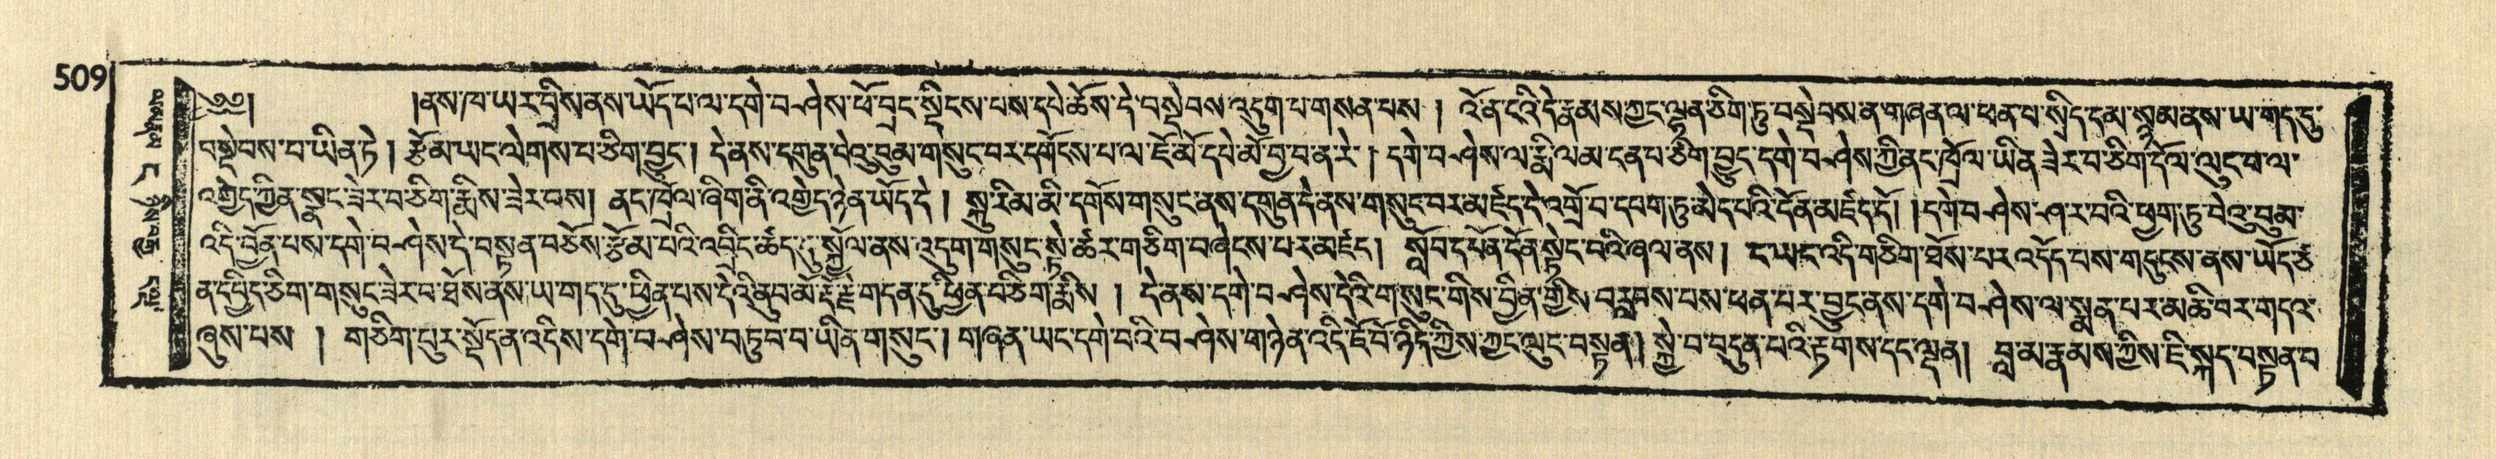༄༅། །ནས་ཁ་ཡར་བྲིས་ནས་ཡོད་པ་ལ་དགེ་བཤེས་ཕོ་བྲང་སྡིངས་པས་དཔེ་ཆོས་དེ་བསྡེབས་འདུག་པ་གསན་པས། འོ་ན་ངའི་དེ་རྣམས་ཀྱང་ལྷན་ཅིག་ཏུ་བསྡེབས་ན་གཞན་ལ་ཕན་པ་སྲིད་དམ་སྙམ་ནས་ཡ་གད་དུ་
བསྡེབས་པ་ཡིན་ཏེ། རྩོམ་ཡང་ལེགས་པ་ཅིག་བྱུང་། དེ་ནས་དགུན་བེའུ་བུམ་གསུང་བར་དགོངས་པ་ལ་ཇོ་མོ་དཔེ་མོ་བྱ་བ་ན་རེ། དགེ་བཤེས་ལ་རྨི་ལམ་ངན་པ་ཅིག་བྱུང་དགེ་བཤེས་ཀྱི་ནང་ཁྲོལ་ཡིན་ཟེར་བ་ཅིག་དོལ་ལུང་བ་ལ་
འགྱེད་ཀྱིན་སྣང་ཟེར་བ་ཅིག་རྨིས་ཟེར་བས། ནང་ཁྲོལ་ཞིག་ནི་འགྱེད་ཉེན་ཡོད་དེ། སྐུ་རིམ་མི་དགོས་གསུང་ནས་དགུན་དེ་ནས་གསུང་བར་མཛད་དེ་འགྲོ་བ་དཔག་ཏུ་མེད་པའི་དོན་མཛད་དོ། །དགེ་བཤེས་ཤར་བའི་ཕྱག་ཏུ་བེའུ་བུམ་
འདི་བྱོན་པས་དགེ་བཤེས་དེ་བསྟན་བཅོས་རྩོམ་པའི་འབྲིང་ཚད་དུ་སྐྱོལ་ནས་འདུག་གསུང་སྟེ་ཚར་གཅིག་བཞེངས་པས་མཛད། སློབ་དཔོན་དོན་སྟེང་བའི་ཞལ་ནས། ང་ཡང་འདི་གཅིག་ཐོས་པར་འདོད་པས་གསུངས་ནས་ཡོད་ཙ་
ན་དཔྱིད་ཅིག་གསུང་ཟེར་བ་ཐོས་ནས་ཡ་གང་དུ་ཕྱིན་པས་དེའི་ནུབ་མོ་རྡོ་རྗེ་གདན་དུ་ཕྱིན་པ་ཅིག་རྨིས། དེ་ནས་དགེ་བཤེས་དེའི་གསུང་གིས་བྱིན་གྱིས་བརླབས་པས་ཕན་པར་བྱུང་ནས་དགེ་བཤེས་ལ་སྨན་པར་མཆི་བར་གདའ་
ཞུས་པས། གཅིག་པུར་སྡོད་ན་འདིས་དགེ་བཤེས་བཏུབ་པ་ཡིན་གསུངས། གཞན་ཡང་དགེ་བའི་བཤེས་གཉེན་འདི་ཇོ་བོ་ཉིད་ཀྱིས་ཀྱང་ལུང་བསྟན། སྐྱེ་བ་བདུན་པའི་རྟགས་དང་ལྡན། བླ་མ་རྣམས་ཀྱིས་ཇི་སྐད་བསྟན་པ་